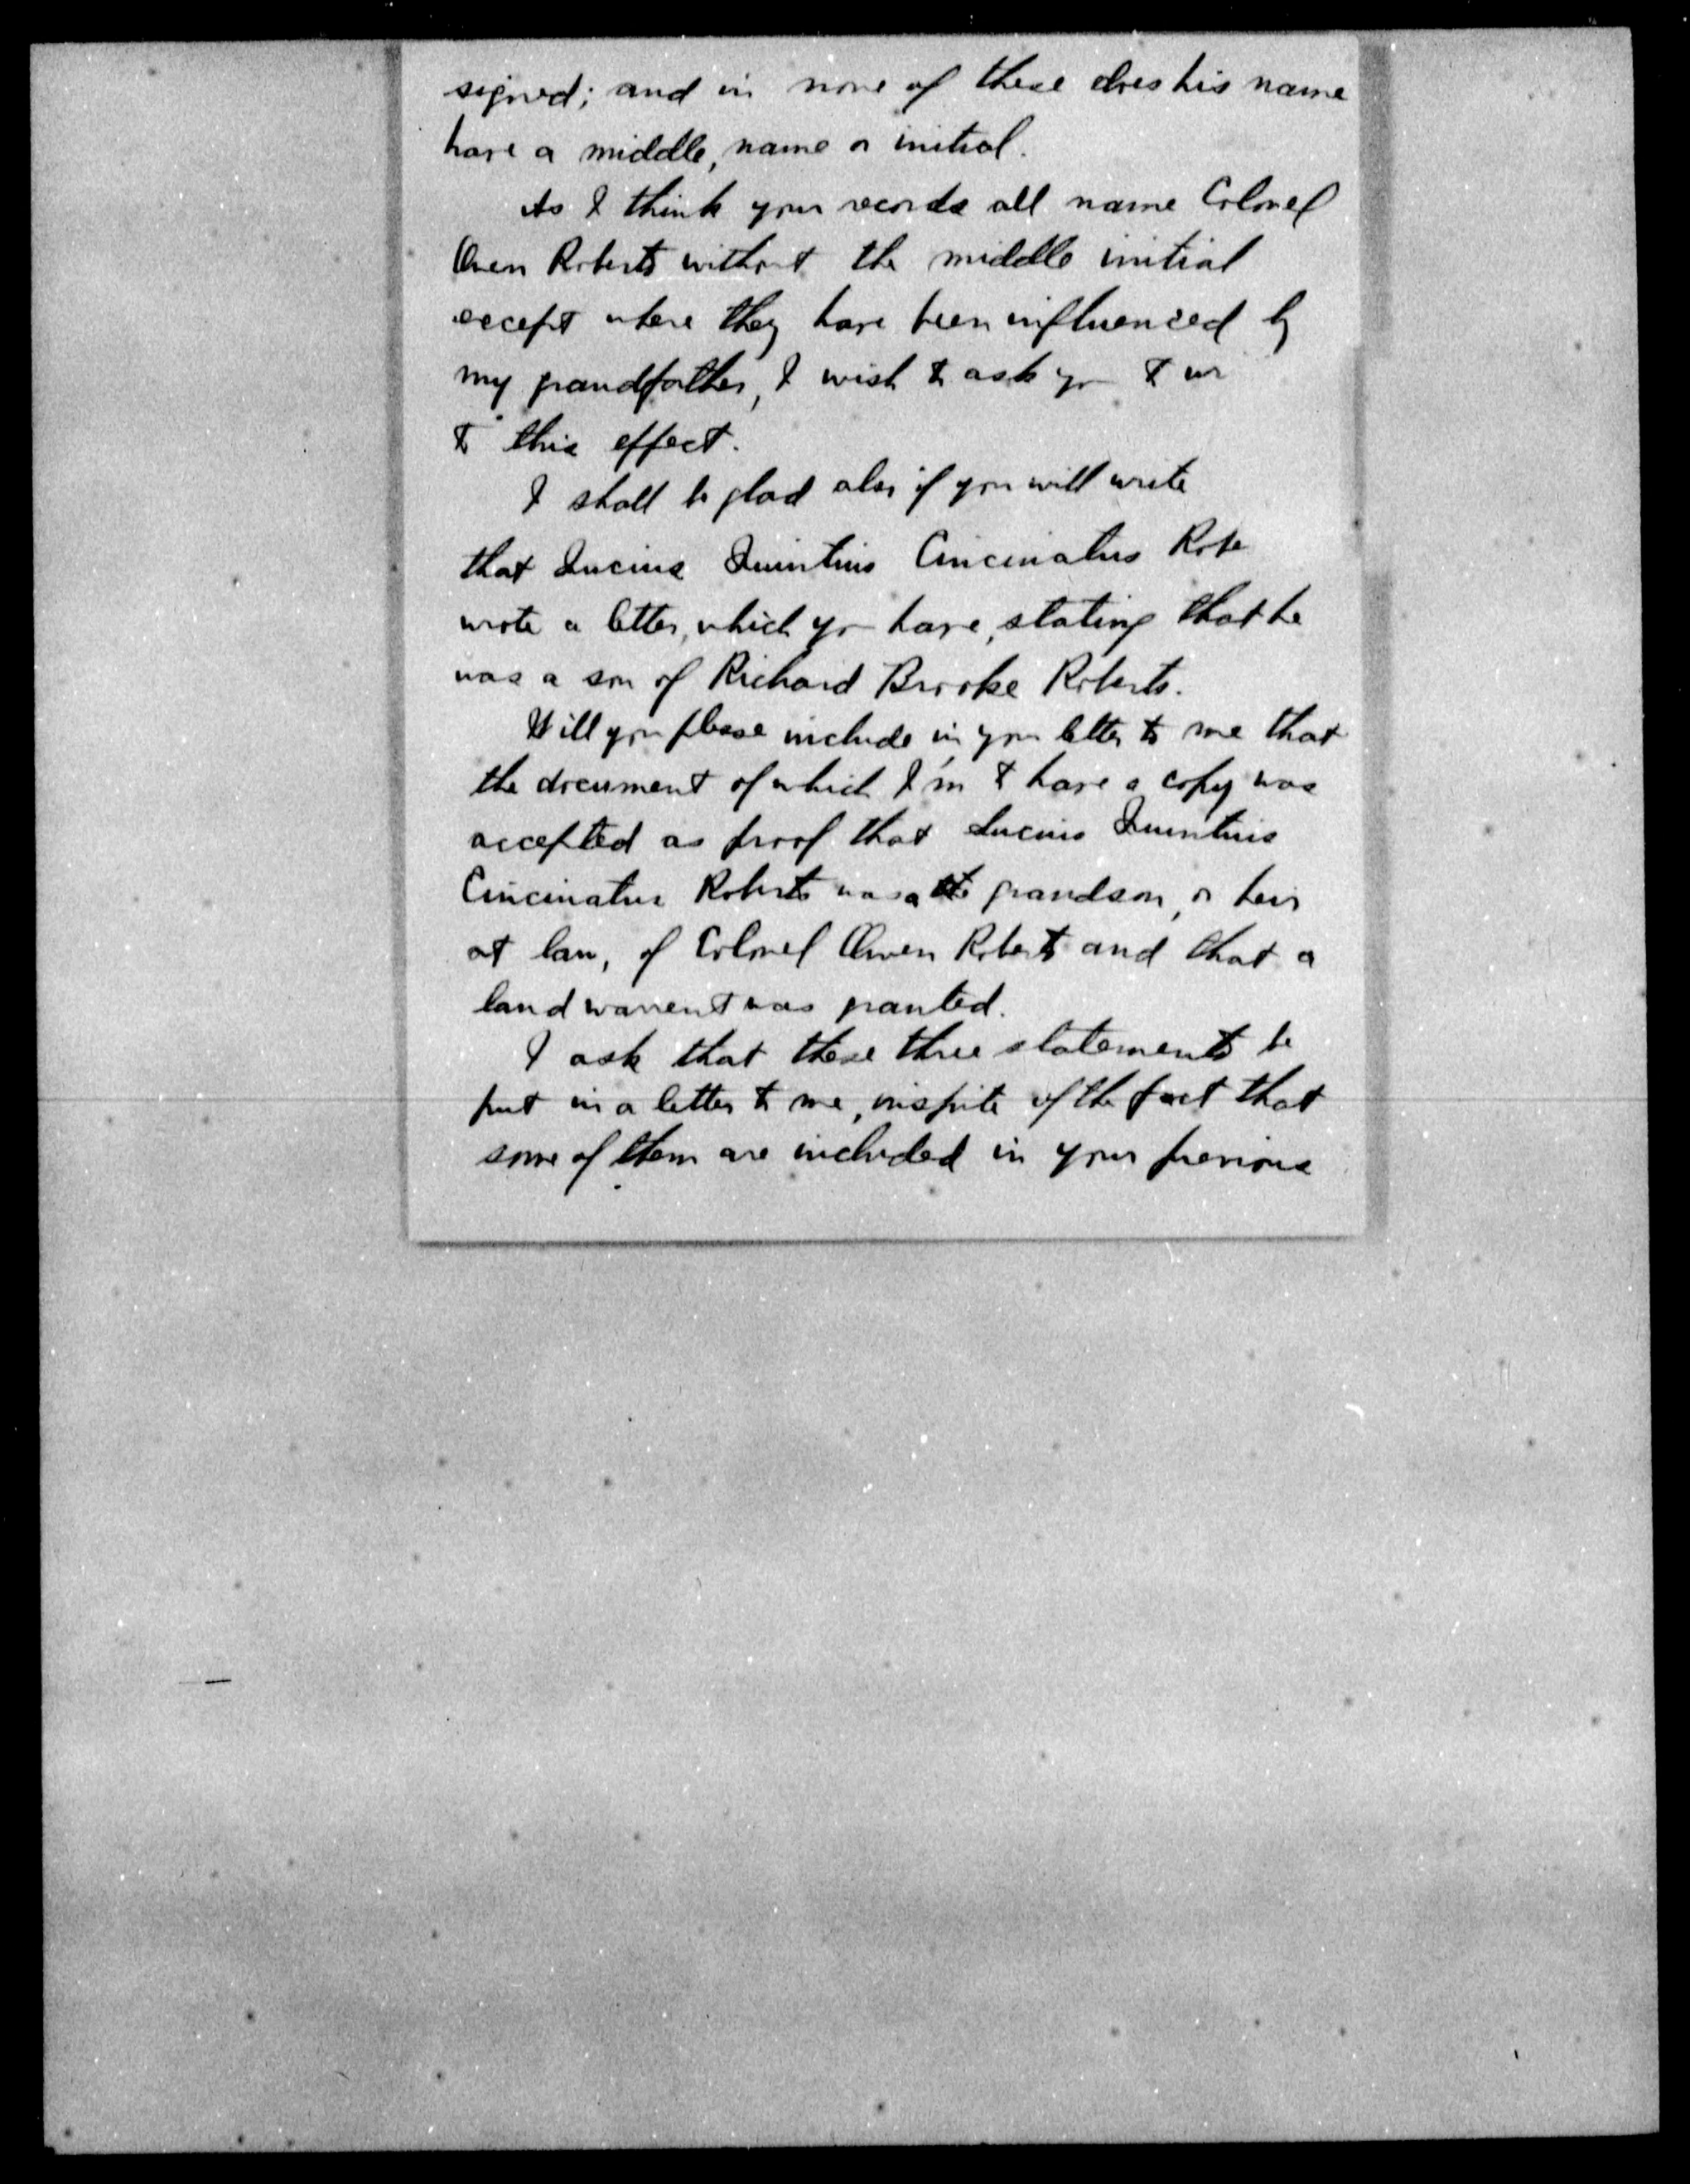signed; and in none of these does his name
have a middle name or initial.

As I think your records all name Colonel
Owen Roberts without the middle initial
except where they have been influenced by
my grandfather, I wish to ask you & ur [?]
to this effect.

I shall be glad also if you will write
that Lucius Quintius Cincinatus Roberts
wrote a letter which you have stating that he 
was a son of Richard Brooke Roberts.

Will you please include in your letter to me that 
the document of which I'm & have a copy was
accepted as proof that Lucius Quintius 
Cincinatus Roberts was the grandson, or heir
at law, of Colonel Owen Roberts and that a 
land warrant was granted.  

I ask that these three statements be 
put in a letter to me, in spite of the fact that 
some of them are included in your previous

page: 27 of 59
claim: bounty land warrant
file: B.L.Wt. 2359-500, for Owen Roberts, South Carolina